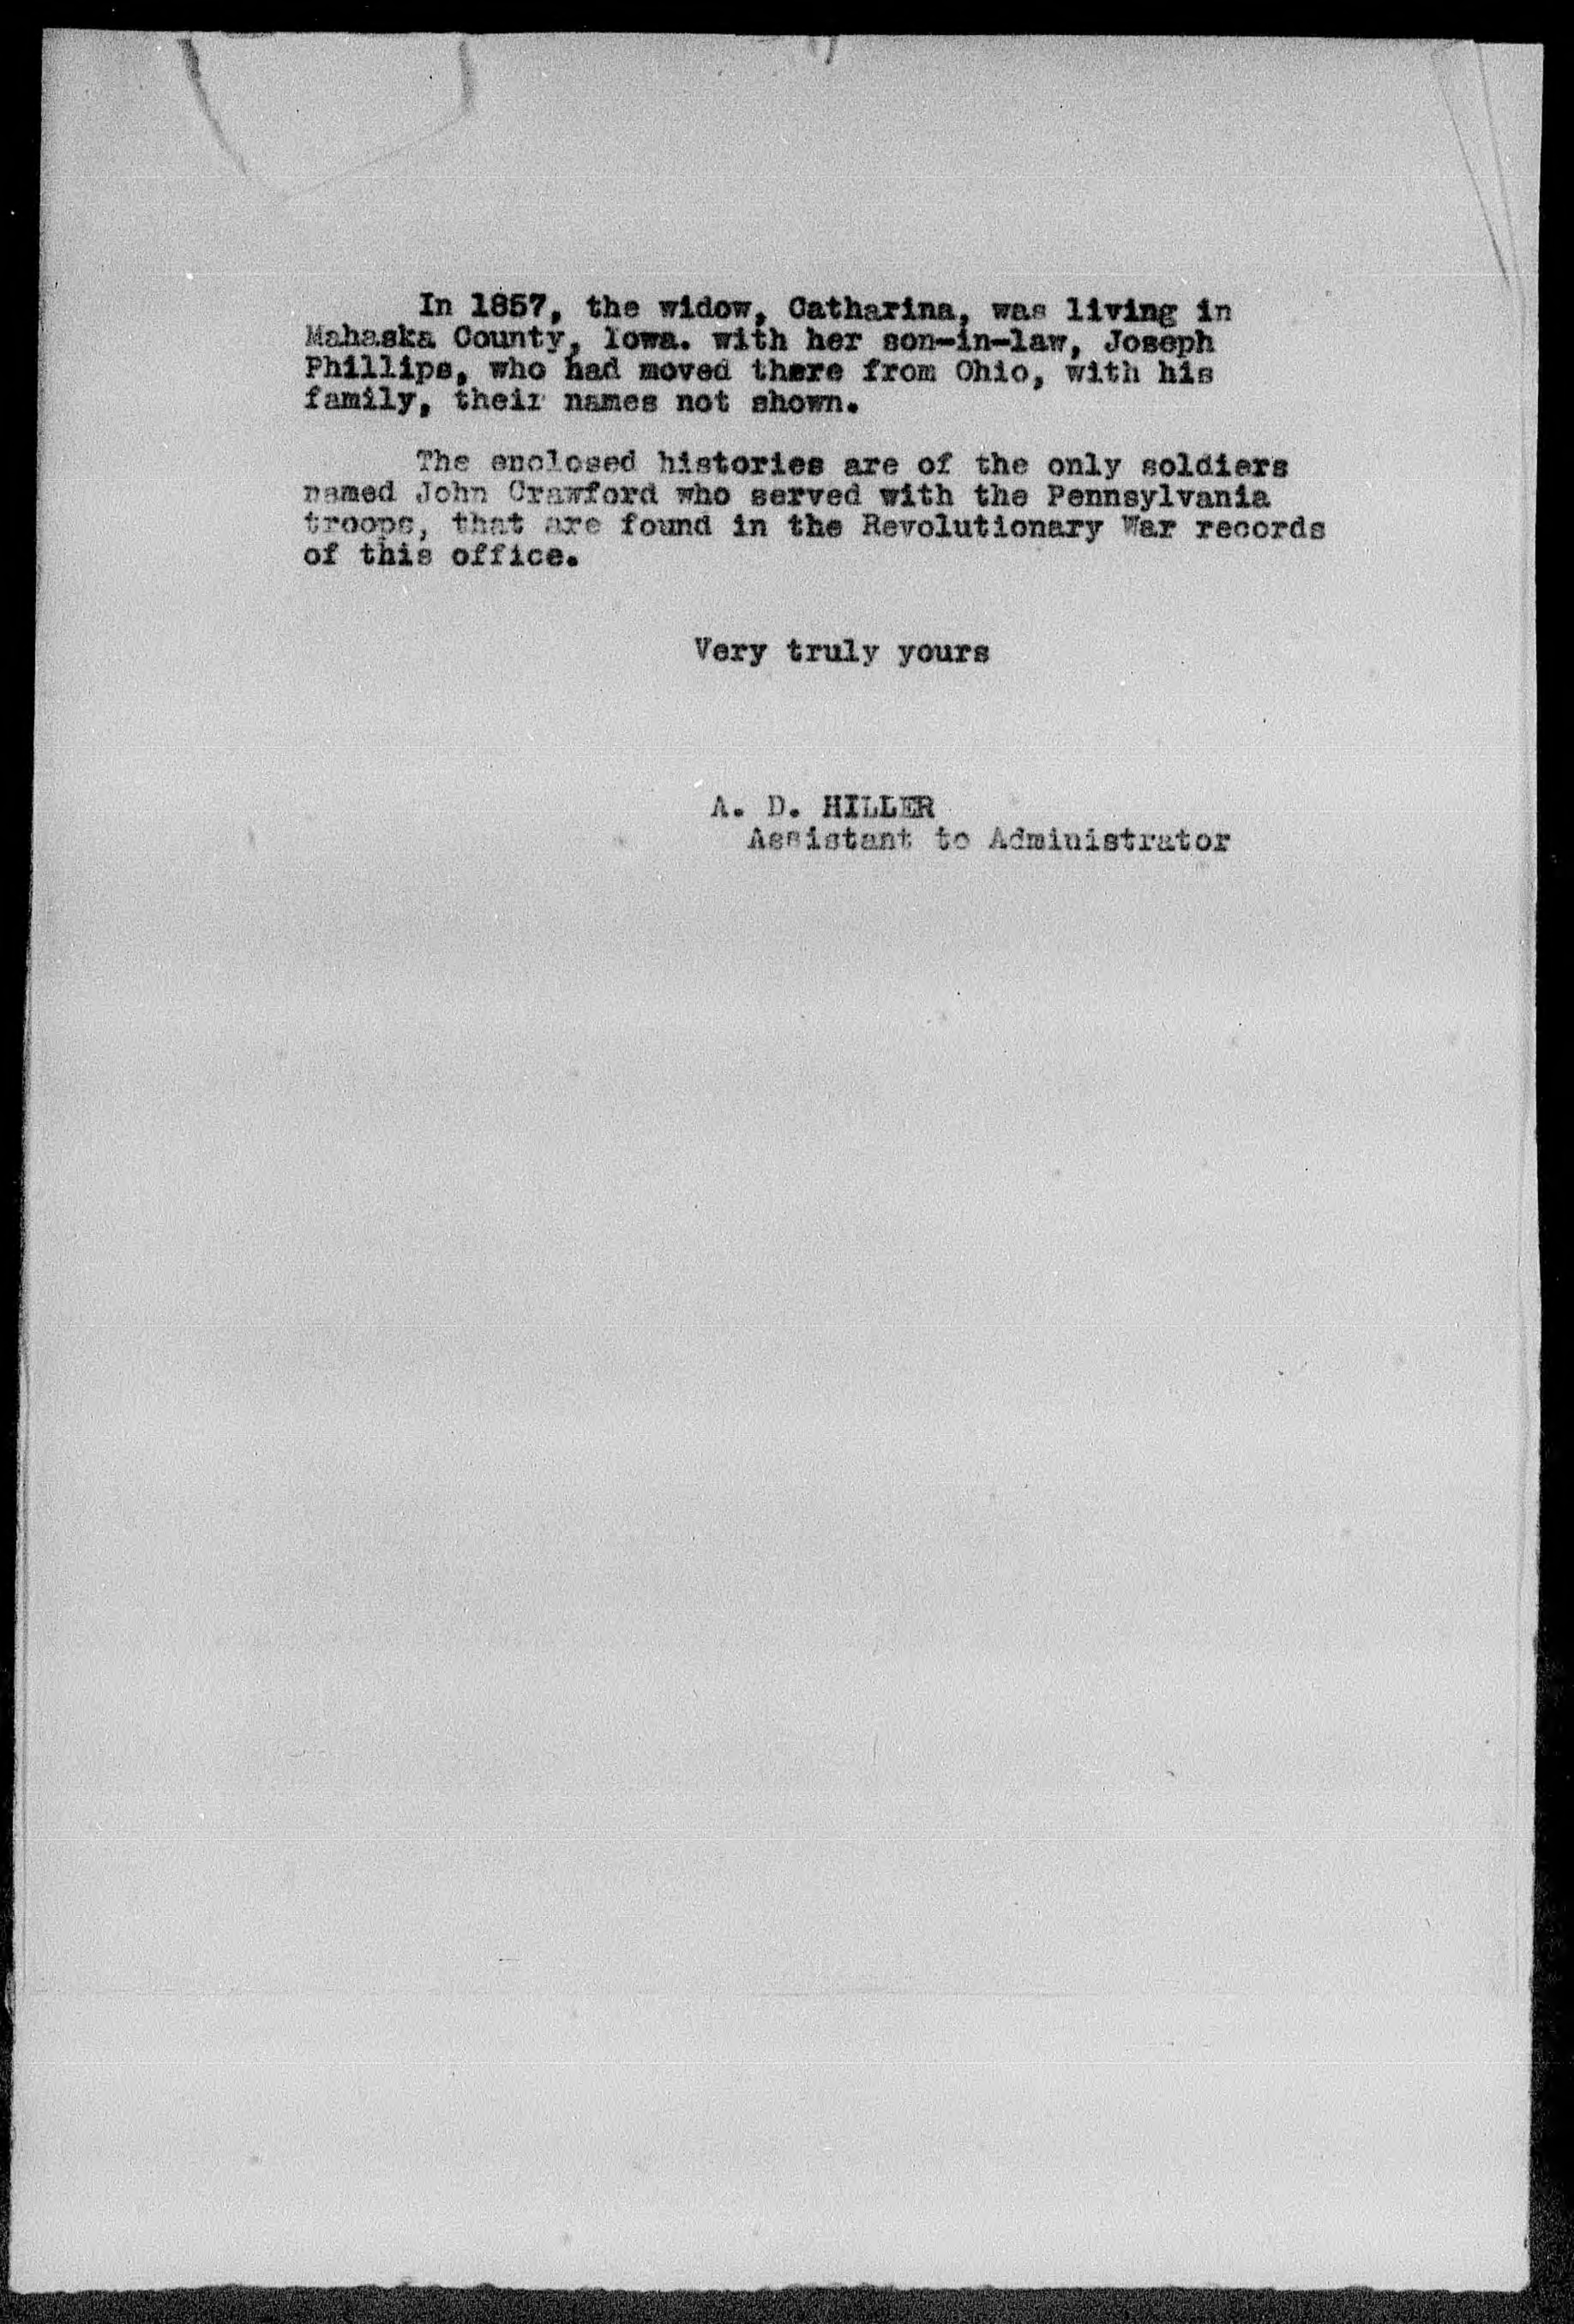In 1857, the widow, Catharina, was living in Mahaska County, Iowa, with her son-in-law, Joseph Phillips, whoahd moved there from Ohio, with his family, their names not shown.

The enclosed histories are of the only soldiers
named John Crawford who served with the Pennsylvania troops, that are found in the Revolutionary War records of this office.
Very truly yours
A. D. HILLER
Assistant to Administrator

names: Joseph Phillips, Catharine, A D Hiller, John Crawford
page: 18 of 80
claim: widow's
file: W 2070, John Crawford, Penn.